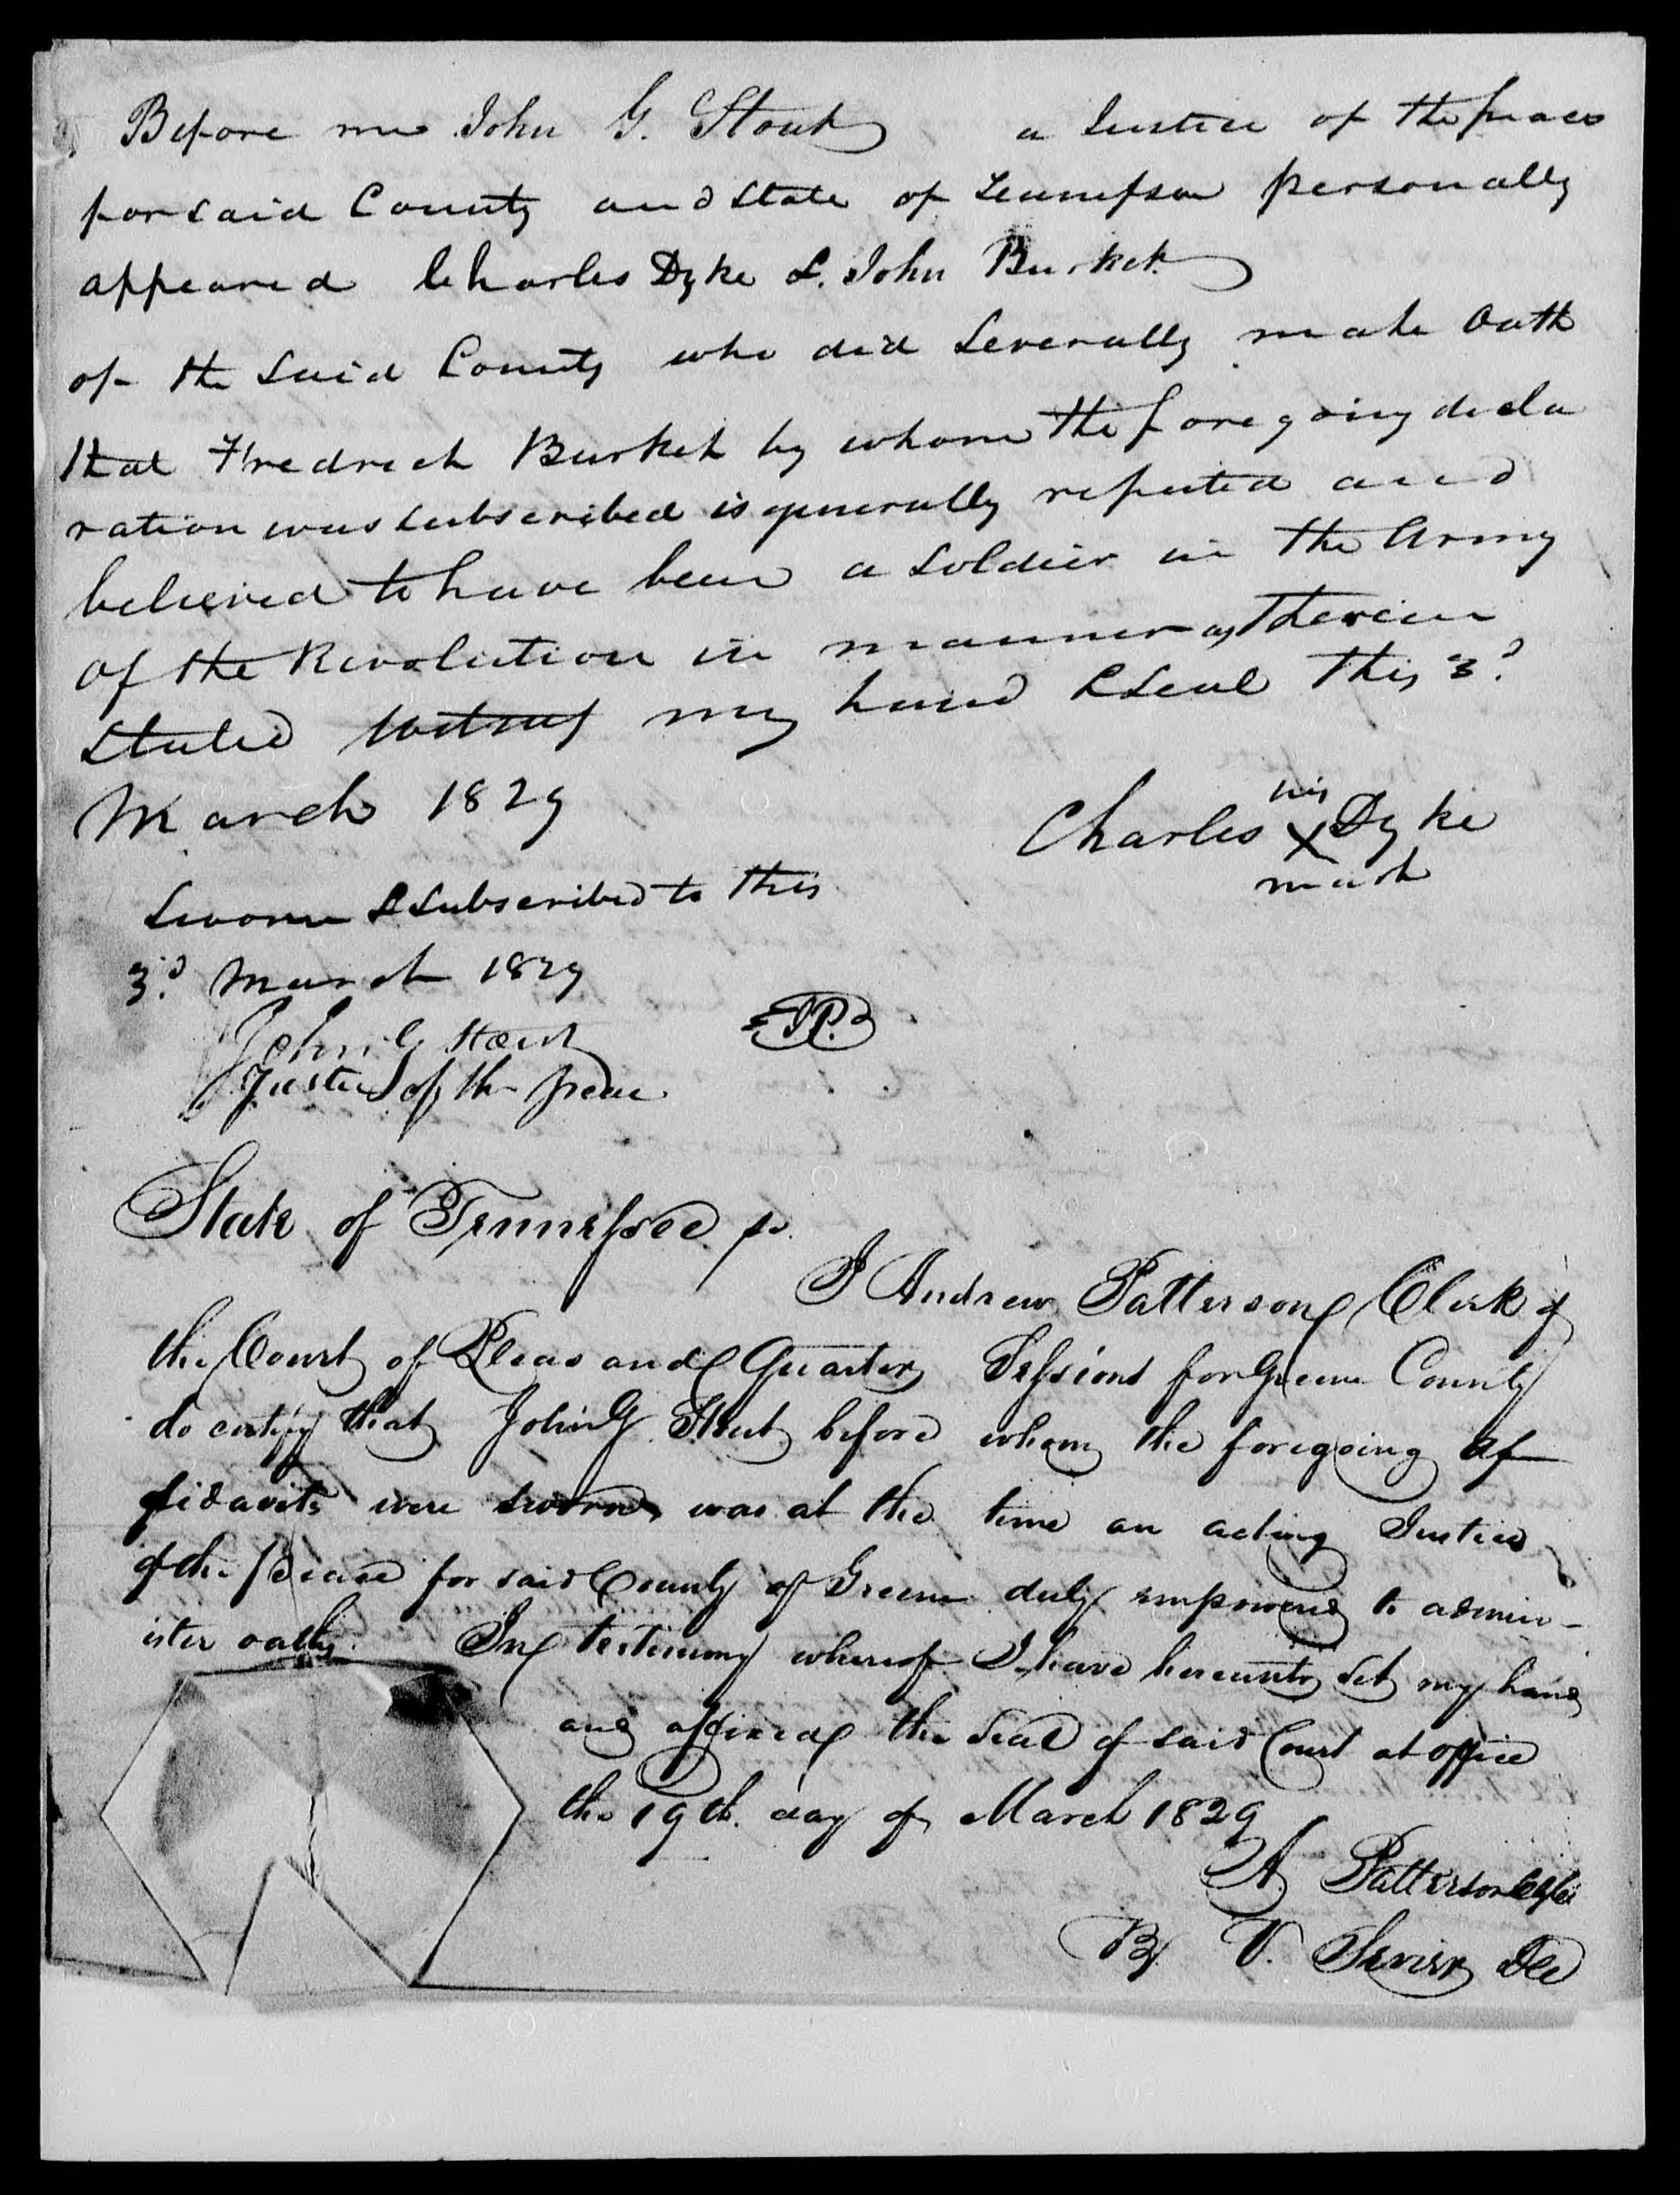Before me John G. Stout a Justice of the peace for said County and State of Tennessee personally appeared Charles Dyke & John Burket.

of the said County who did severally make oath that Fredrick Burket by who the foregoing declaration was subscribed is generally reputed and believed to have been a soldier in the Army of the revolution in manner of service stated witness my hand & seal this 3rd March 1829

Charles X Dyke
(X his mark)

Sworn & subscribed to this 3rd March 1829
John G Stout J.P. (Seal)
Justice of the peace

State of Tennessee
I Andrew Patterson Clark of the Court of Please and Quarter Sessions for Green County do certify that John G Stout before who the foregoing affidavits were sworn was at the time an acting Justice of the Peace for said County of Green duly empowered to administer oaths.  In testimony whereof I have hereunto set my hand and affixed the seal of said Court at Office this 19th day of March 1829

A. Patterson Esqr
By V. Sevier DW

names: Fredrick Burket, John G Stout, Charles Dyke, Andrew Patterson, John G Stout, L John Burket, John G Stout, A Patterson, V Sevier, Charles Dyke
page: 29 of 47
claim: survivor's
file: S. 3102, Frederick Burket, Va.